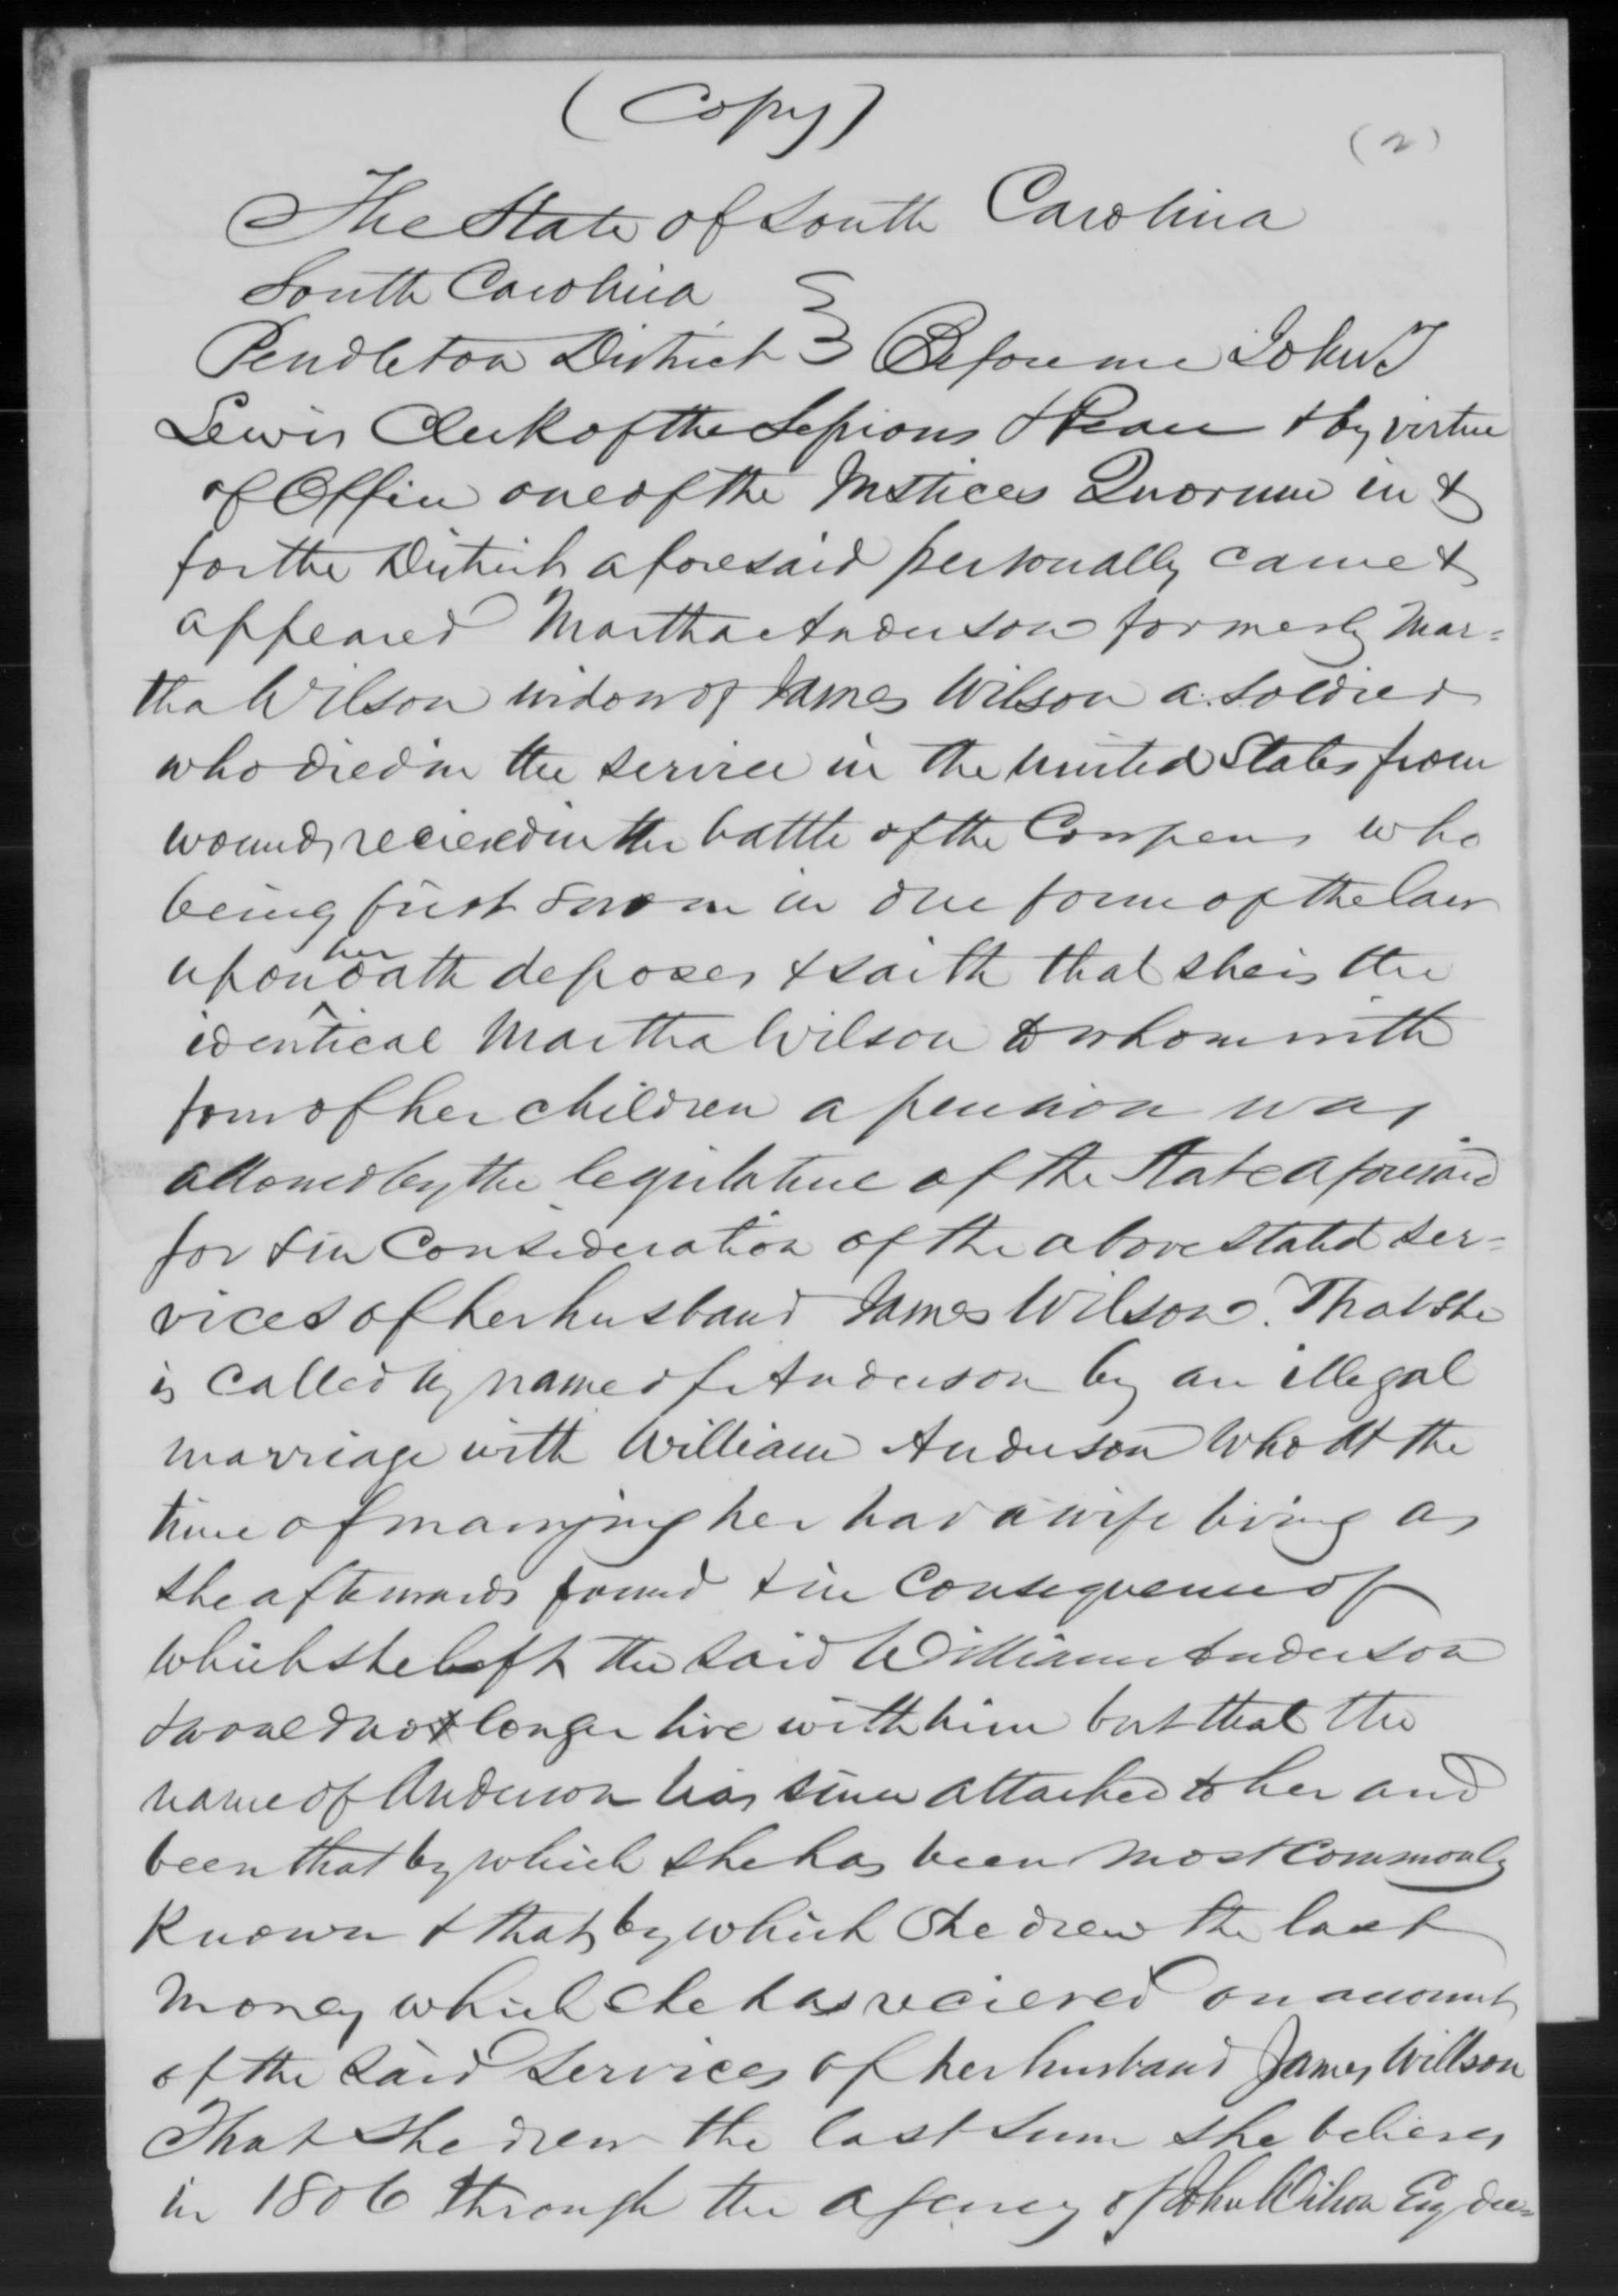(Copy)      (2)

The State of South Carolina
South Carolina
Pendleton District

Before me John T
Lewis Clerk of the Sessions & Peace & by virtue
of Office one of the Justices Quorum in & 
for the District aforesaid personally came &
appeared Martha Anderson formerly Martha
Wilson widow of James Wilson a soldier
who died in the service in the United States from 
wounds received in the battle of the Cowpens who 
being first sworn in one form of the law
upon her oath deposes & saith that she is the 
identical Martha Wilson to whom with 
four of her children a pension was
allowed by the legislature of the State aforesaid
for & in consideration of the above stated services
of her husband James Wilson.  That she 
is called by name of Anderson by an illegal 
marriage with William Anderson who at the 
time of marrying her had a wife living as 
 she afterwards found & in consequence of 
which she left the said William Anderson 
& would no longer live with him but that the 
name of Anderson has since attached to her and 
been that by which she has been most commonly
known & that by which she drew the last
money which she has received on account 
of the said services of her husband James Wilson 
That she drew the last sum she believes
in 1806 through the agency of John Wilson Esq dec.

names: John Wilson, James Wilson, James Willson, Martha Anderson, John T Lewis, Martha Wilson, William Anderson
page: 6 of 18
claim: rejected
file: R. 195, James Wilson, S. C.